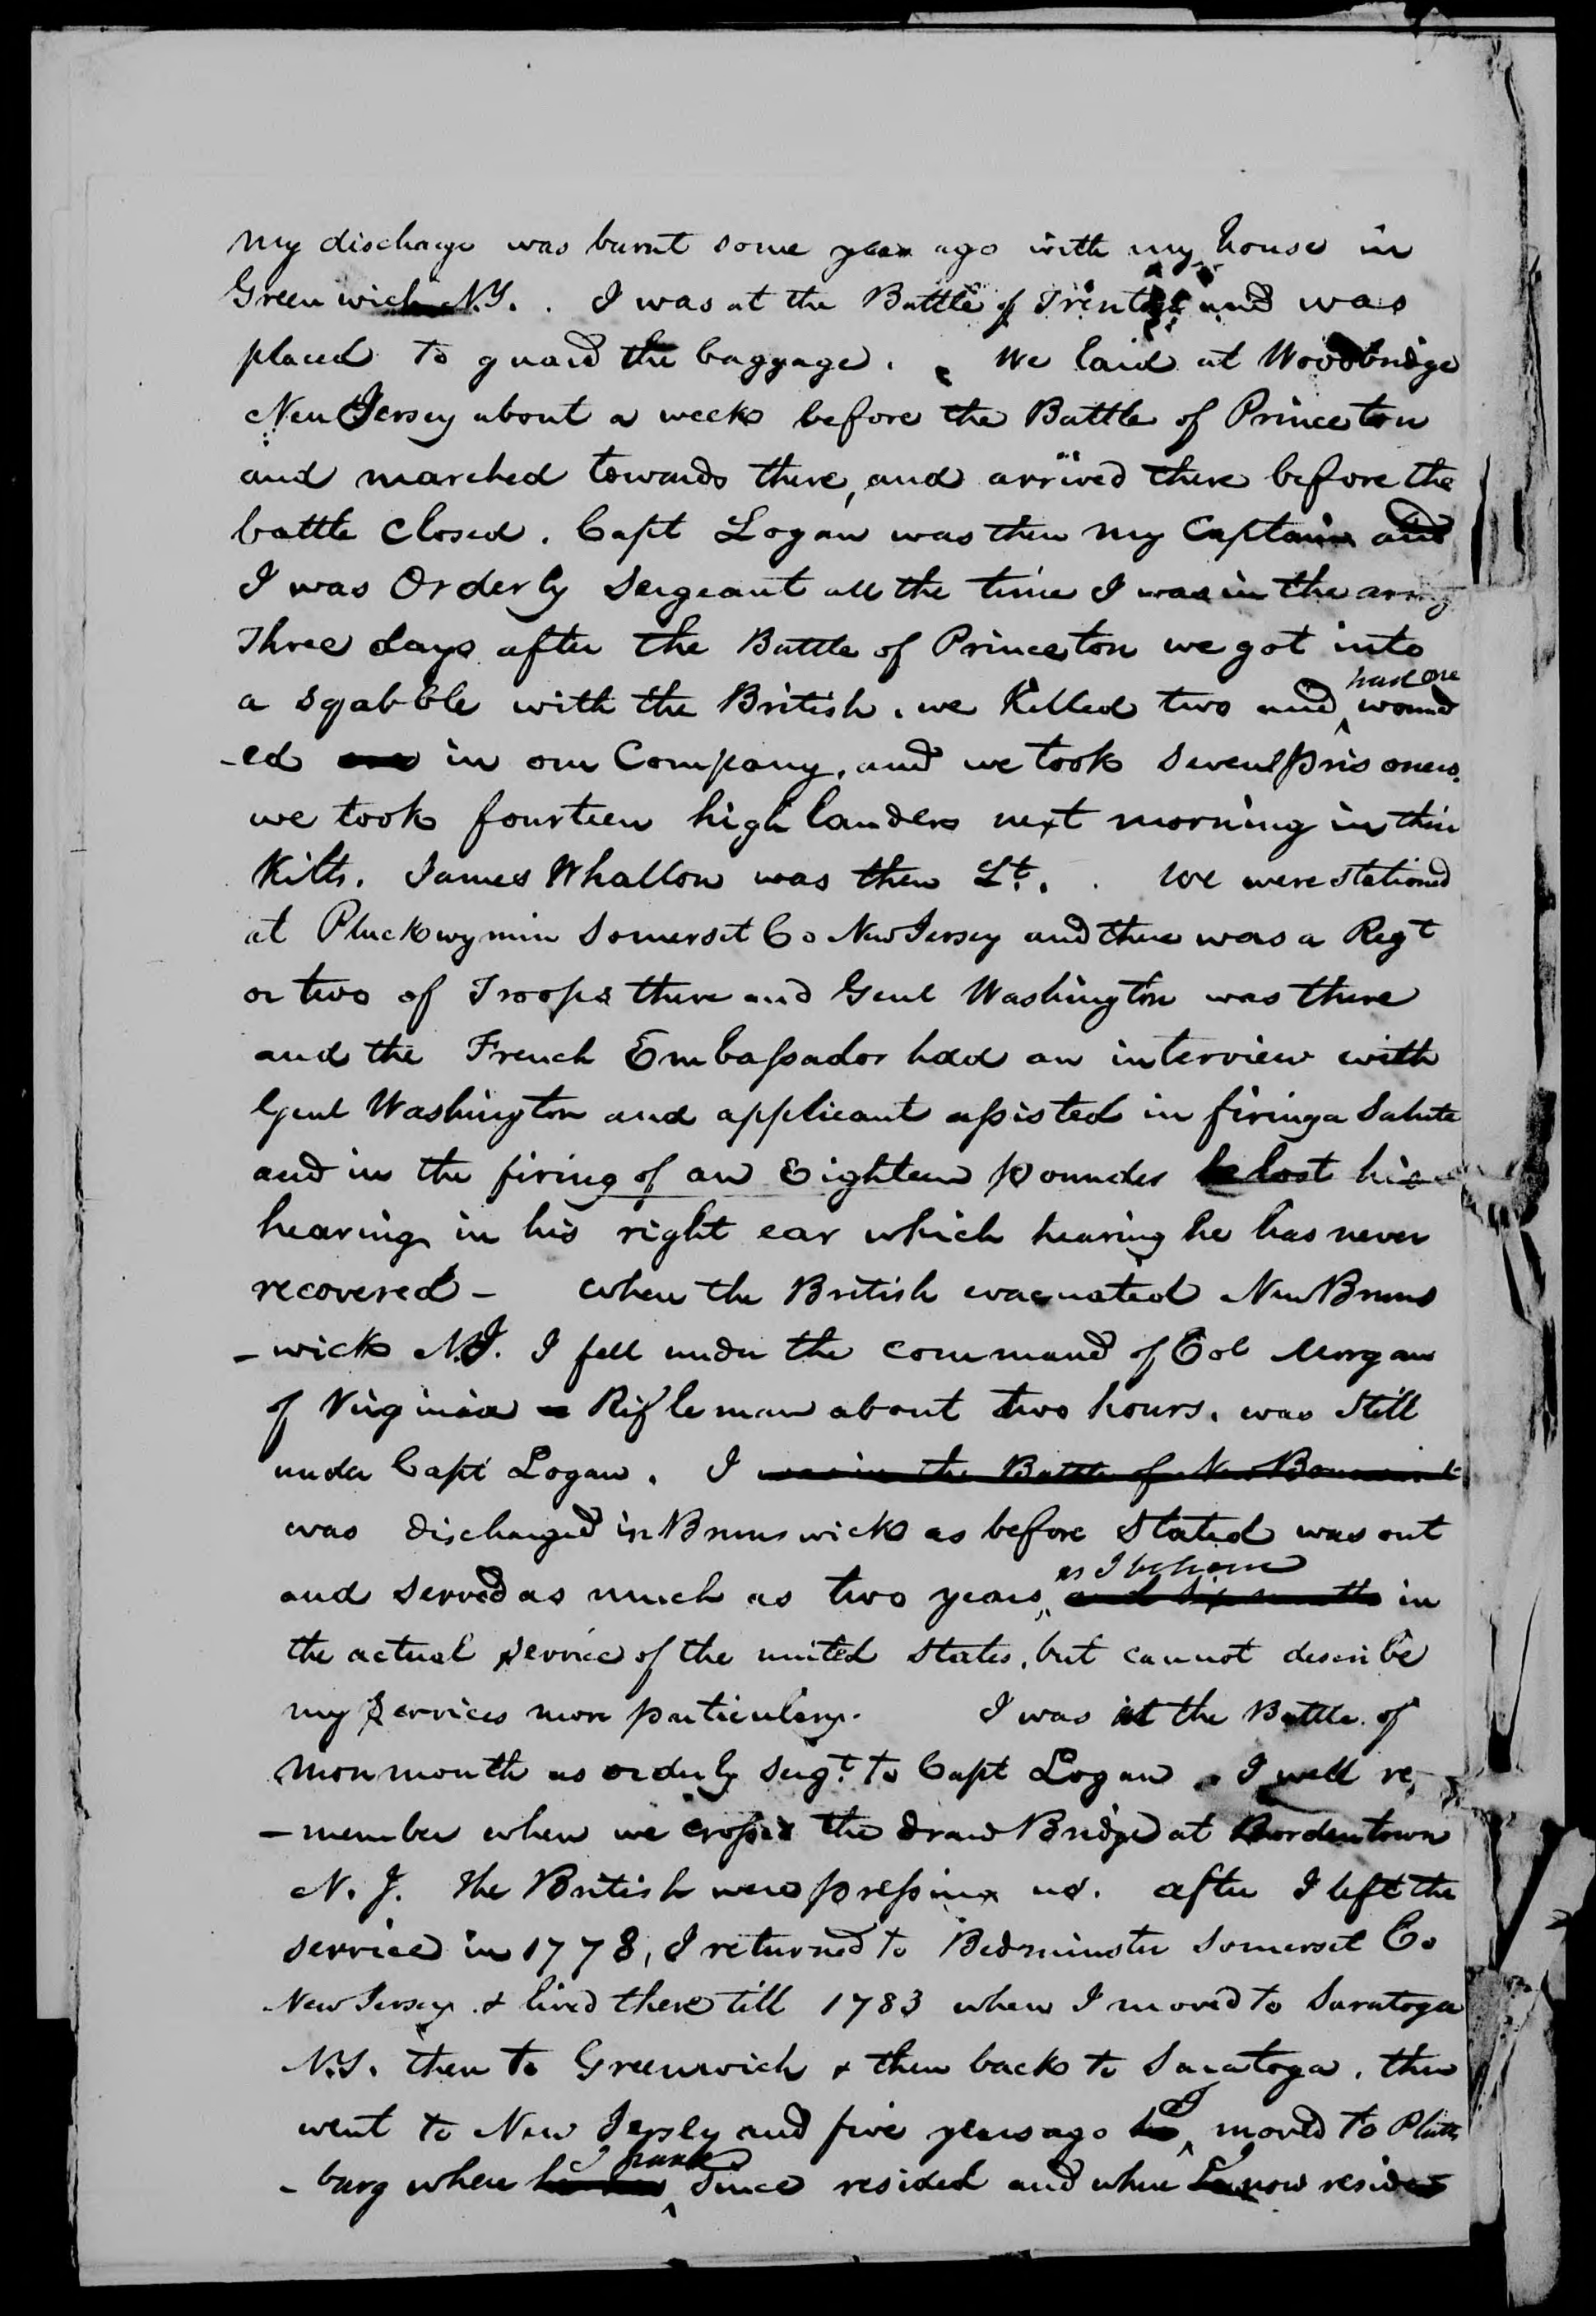...My discharge was burnt some years ago with my house in Greenwich, N.Y. I was at the Battle of Trenton and was placed to guard the baggage. We laid at Woodbridge, New Jersey about a week before the Battle of Princeton and marched towards there, and arrived there before the battle closed. Capt. Logan was then my captain and I was Orderly Sergeant all the time I was in the army. Three days after the Battle of Princeton we got into a squabble with the British, we killed two and had one wounded [crossed out: our] in our company, and we took several prisoners. We took fourteen [42nd] Highlanders next morning in their kilts. James Whallon was then Lieut(enant). 

We were stationed at Pluckowymin, Somerset Co., New Jersey and there was a reg(iment) or two of troops there and Gen'l Washington was there and the French Ambassador (sp.) had an interview with Gen'l Washington and applicant assisted in firing a salute and in the firing of an eighteen pounder he lost his
hearing in his right ear, which hearing he has never recovered.

When the British evacuated New Brunswick, N.J. I fell under the command of Col. Morgan of Virginia, a rifleman about two hours; was still under Capt. Logan. I [crossed out: was in the Battle of New Brunswick] was discharged in Brunswicks as before stated, was out and served as much as two years [crossed out: and six months] as I believe, in the actual service of the United States, but cannot describe my services more particularly.

I was at the Battle of Monmouth as Orderly Ser(geant) to Capt. Logan. I well remember when we crossed the drawbridge at Bordentown, N.J. The British were pressing us. After I left the service in 1778, I returned to Bedminster, Somerset Co., New Jersey & lived there till 1783 when I moved to Saratoga, N.Y. then to Greenwich & then back to Saratoga, then went to New Jersey and five years ago I moved to Plattsburg where [crossed out: he has] I have since resided and where he now resides...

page: 8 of 11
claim: survivor's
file: S. 14628, for William Sutfin, New Jersey